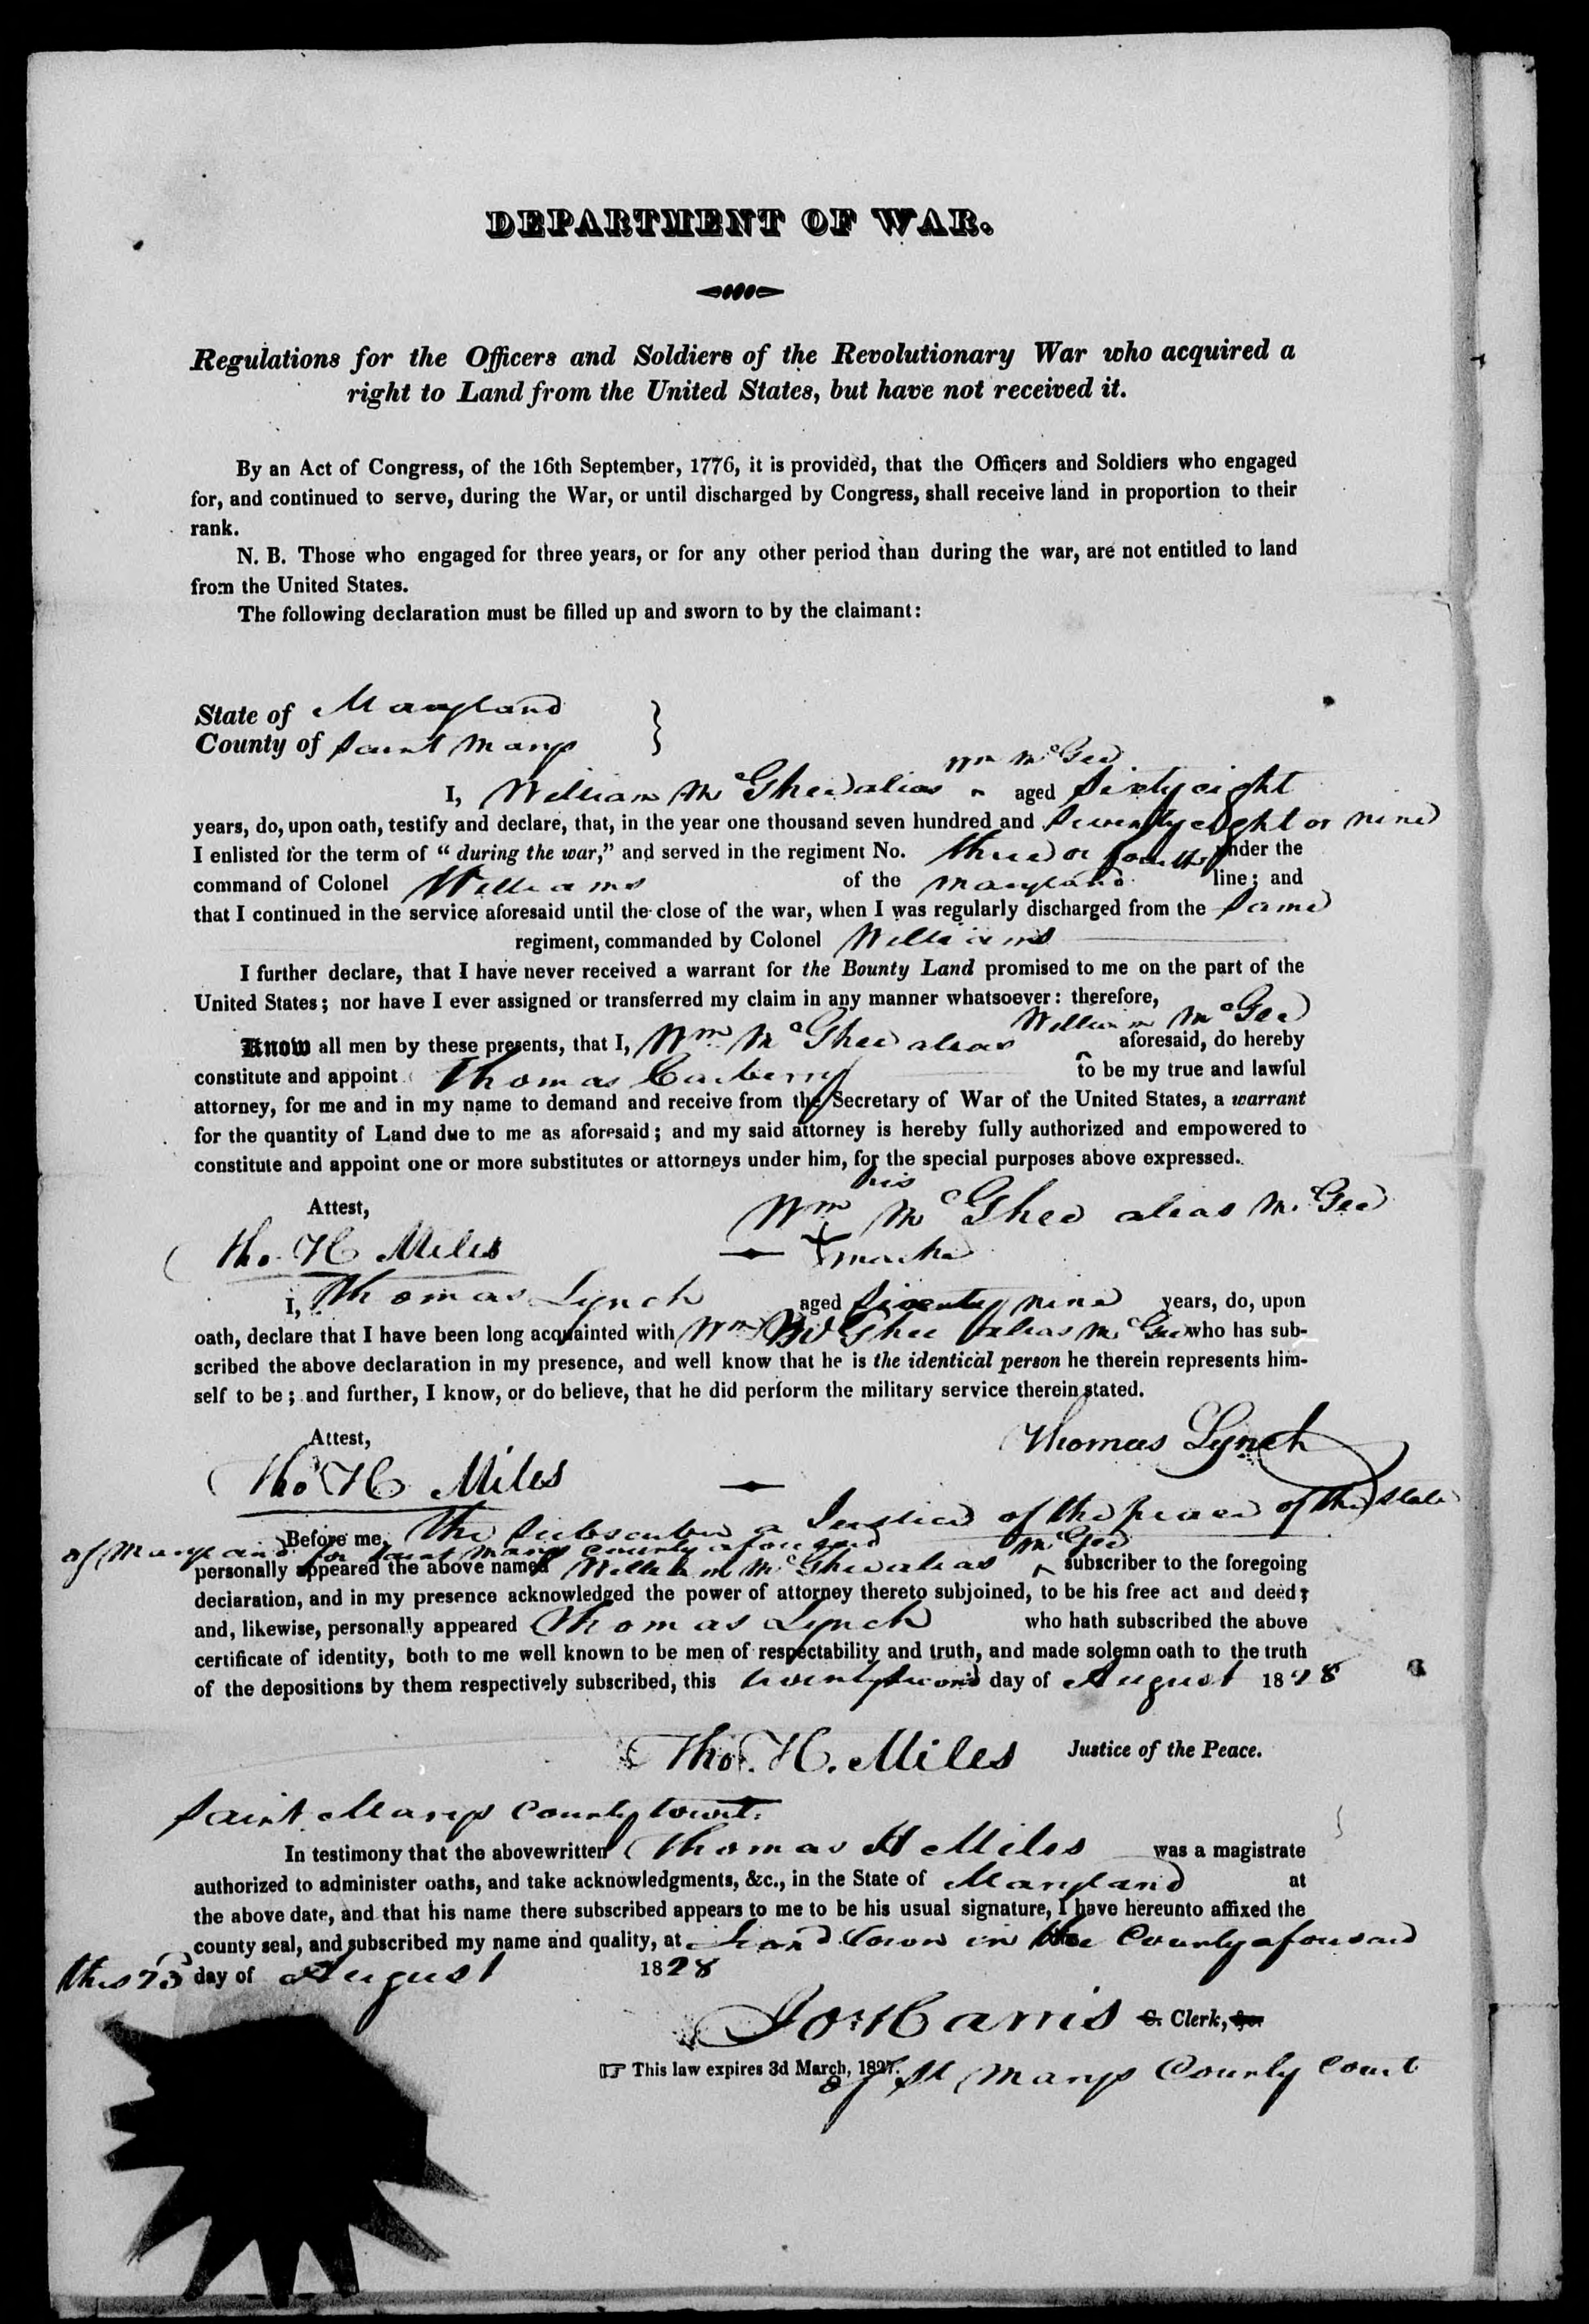[typed form, with handwritten responses]

DEPARTMENT OF WAR.

Regulations for the Officers and Soldiers of the Revolutionary War who acquired a right to Land from the United States, but have not received it. 

By an Act of Congress, of the 16th September, 1776, it is provided, that the Officers and Soldiers who engaged for, and continued to serve, during the War, or until discharged by Congress, shall receive land in proportion to their rank.
N. B. Those who engaged for three years, or for any other period than during the war, are not entitled to land in the United States. 
The following declaration must be filled up and sworn to by the claimant: 

State of Maryland} 
County of Saint Mary} 

I, William McGhee, alias Wm. McGee aged sixty eight years, do, upon oath, testify and declare, that, in the year one thousand seven hundred and seventy eight or nine I enlisted for the term of “during the war,” and served in the regiment No. Third or fourth under the command of Colonel Williams of the Maryland line; and that I continued in the service aforesaid until the close of the war, when I was regularly discharged from the same regiment, commanded by Colonel Williams –
I further declare, that I have never received a warrant for the Bounty Land promised to me on the part of the United States; nor have I ever assigned or transferred my claim in any manner whatsoever: therefore, 

Know all men by these presents, that I, Wm McGhee alias William McGee aforesaid, do hereby constitute and appoint Thomas Carberry to be my true and lawful attorney, for me and in my name to demand and receive from the Secretary of War of the United States, a warrant for the quantity of Land due to me as aforesaid; and my said attorney is hereby fully authorized and empowered to constitute and appoint one or more substitutes or attorneys under him, for the special purposes above expressed. 

Attest, 
Tho. H. Miles    
Wm [his X mark] McGhee alias McGee

I, Thomas Lynch aged Sixty nine years, do, upon oath, declare that I have been long acquainted with Wm. McGhee alias McGee who has subscribed the above declaration in my presence, and well know that he is the identical person he therein represents himself to be; and further, I know, or do believe, that he did perform the military service therein stated. 

Attest, 
Tho. H. Miles --- Thomas Lynch 

Before me the subscribed a Justice of the peace of the State of Maryland for Saint Mary’s County aforesaid -- personally appeared the above named William McGhee alias McGee subscriber to the foregoing declaration, and in my presence acknowledged the power of attorney thereto subjoined, to be his free act and deed; and likewise, personally appeared Thomas Lynch who hath subscribed the above certificate of identity, both to me well known to be men of respectability and truth, and made solemn oath to the truth of the depositions by them respectively subscribed, this twenty third day of August 1828

Thos H. Miles Justice of the Peace 

Saint Mary’s County to wit 
In testimony that the abovewritten [above written] Thomas H Miles was a magistrate authorized to administer oaths, and take acknowledgments, &c., in the State of Maryland at the above date, and that his name there subscribed appears to me to be his usual signature, I have hereunto affixed the county seal, and subscribed my name and quality, at Leonad Town [Leonardtown] in the County aforesaid this 23d day of August 1828

Jos H Harris Clerk 

[hand pointing symbol] This law expires 3d March, 1827
of St. Mary’s County Court

[ink blot seal]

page: 9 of 17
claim: survivor's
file: S. 34980, for William Mc Gee, Maryland